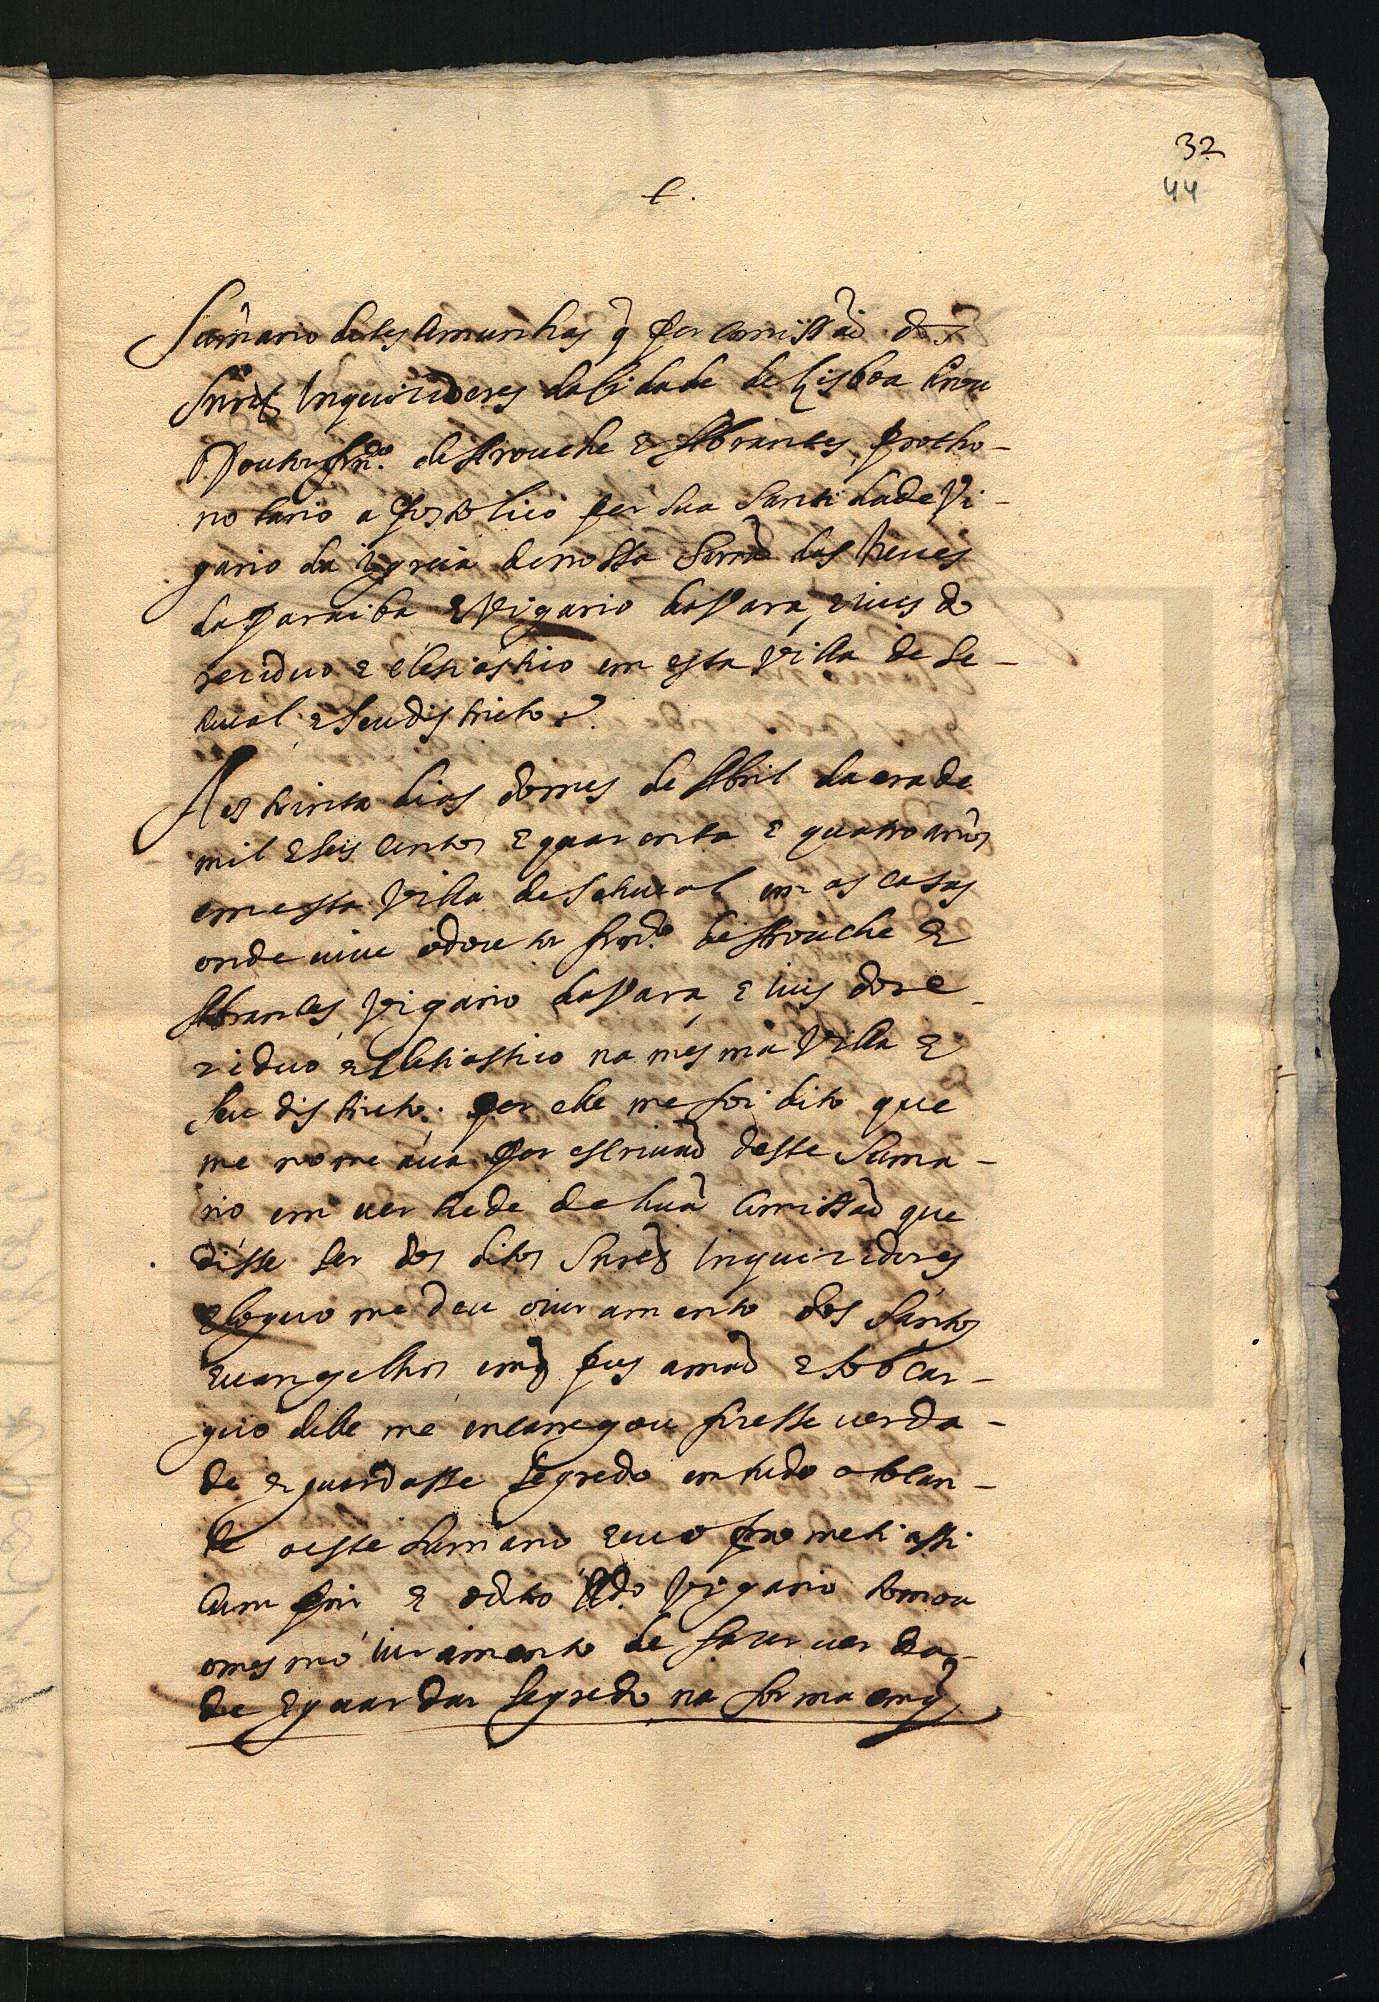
Sum̄ario de testemunhas q̄ por comissão dos
Snres Inquizidores da Cidade de Lisboa tirou
o Doutor frn.co de Arouche E Abrantes, protho
notario apostolico per sua Santidade Vi
gario da Igreja de nossa Senrā das Neues
da paraiba E Vigario da Vara, e iuis do
reziduo Eclesiastico em esta Villa de Se
tuual, E seu districto.-
Aos trinta dias do mes de Abril da era de
mil E seiscentos E quarenta E quatro anōs
em esta Villa de Setuual em as casas
onde uiue o doutor frn.co de Arouche E
Abrantes, Vigario da Vara, E Iuis do re
ziduo Eclesiastico na mesma Villa E
Seu districto; por elle me foi dito que
me nomeaua por escriuão deste Suma
rio em uertude de huā comissão que
disse ter dos ditos Snres̄ Inquizidores
E loguo me deu o iuramento dos Santos
Euangelhos, em q̄ pus a mão E sob car
guo delle me encarregou fizesse uerda
de E guardasse segredo em tudo o tocan
te a este Sumario E eu o prometi assi
Cumprir, E o dito R.do Vigario tomou
o mesmo iuramento de fazer uerda
de E guardar segredo na forma em q̄
